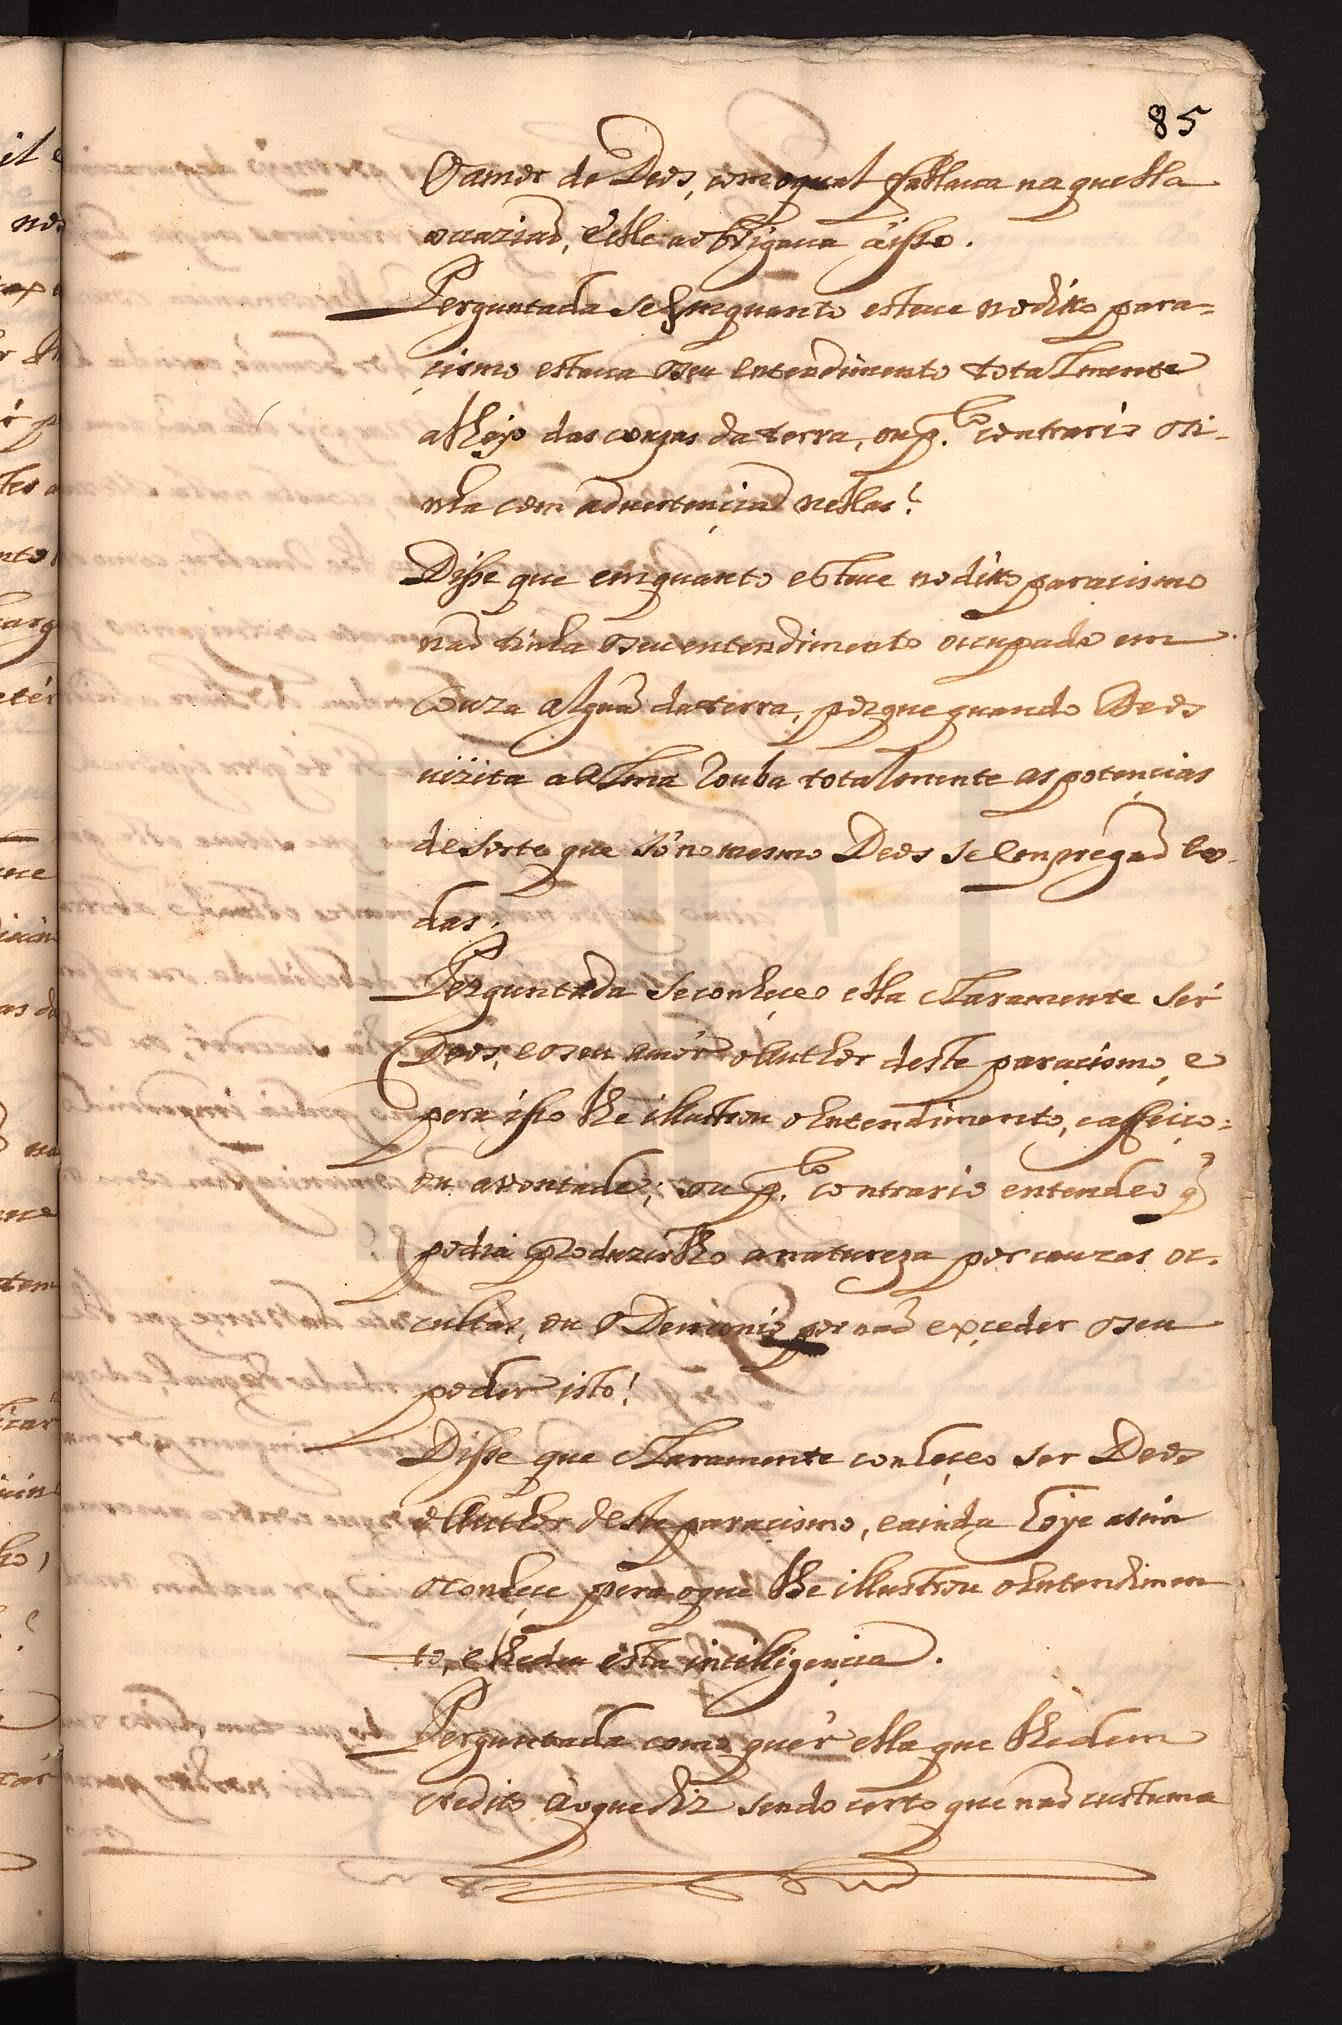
85
O amor de Deos, com o qual fallaua naquella
occaziaõ, e elle a obrigaua a isso.
Perguntada se emquanto esteue no ditto para
cismo estaua o seu entendimento totalmente
alheyo das cousas da terra, ou p.lo contrario o ti
nha com aduertencia nellas?
Disse que emquanto esteue no ditto paracismo
naõ tinha o seu entendimento occupado em
couza alguā da terra, porque quando Deos
uizita a alma Rouba totalmente as potencias
de sorte que só no mesmo Deos se empregaõ to
das.
Perguntada se conheceo ella claramente ser
Deos, e o seu amor o Author deste paracismo, e
pera isso lhe illustrou o Entendimento, e affeiço
ou a vontade, ou p.lo contrario entendeo q̄
podia produzirlho a natureza por cauzas oc
cultas, ou o Demonio por naõ exceder o seu
poder isto?
Disse que claramente conheceo ser Deos
o Author deste paracismo, e ainda hoye asim
o conhece pera o que lhe illustrou o Entendimen
to, e lhe deu esta intelligencia.
Perguntada como quer ella que lhe dem
credito ao que diz sendo certo que naõ custuma
